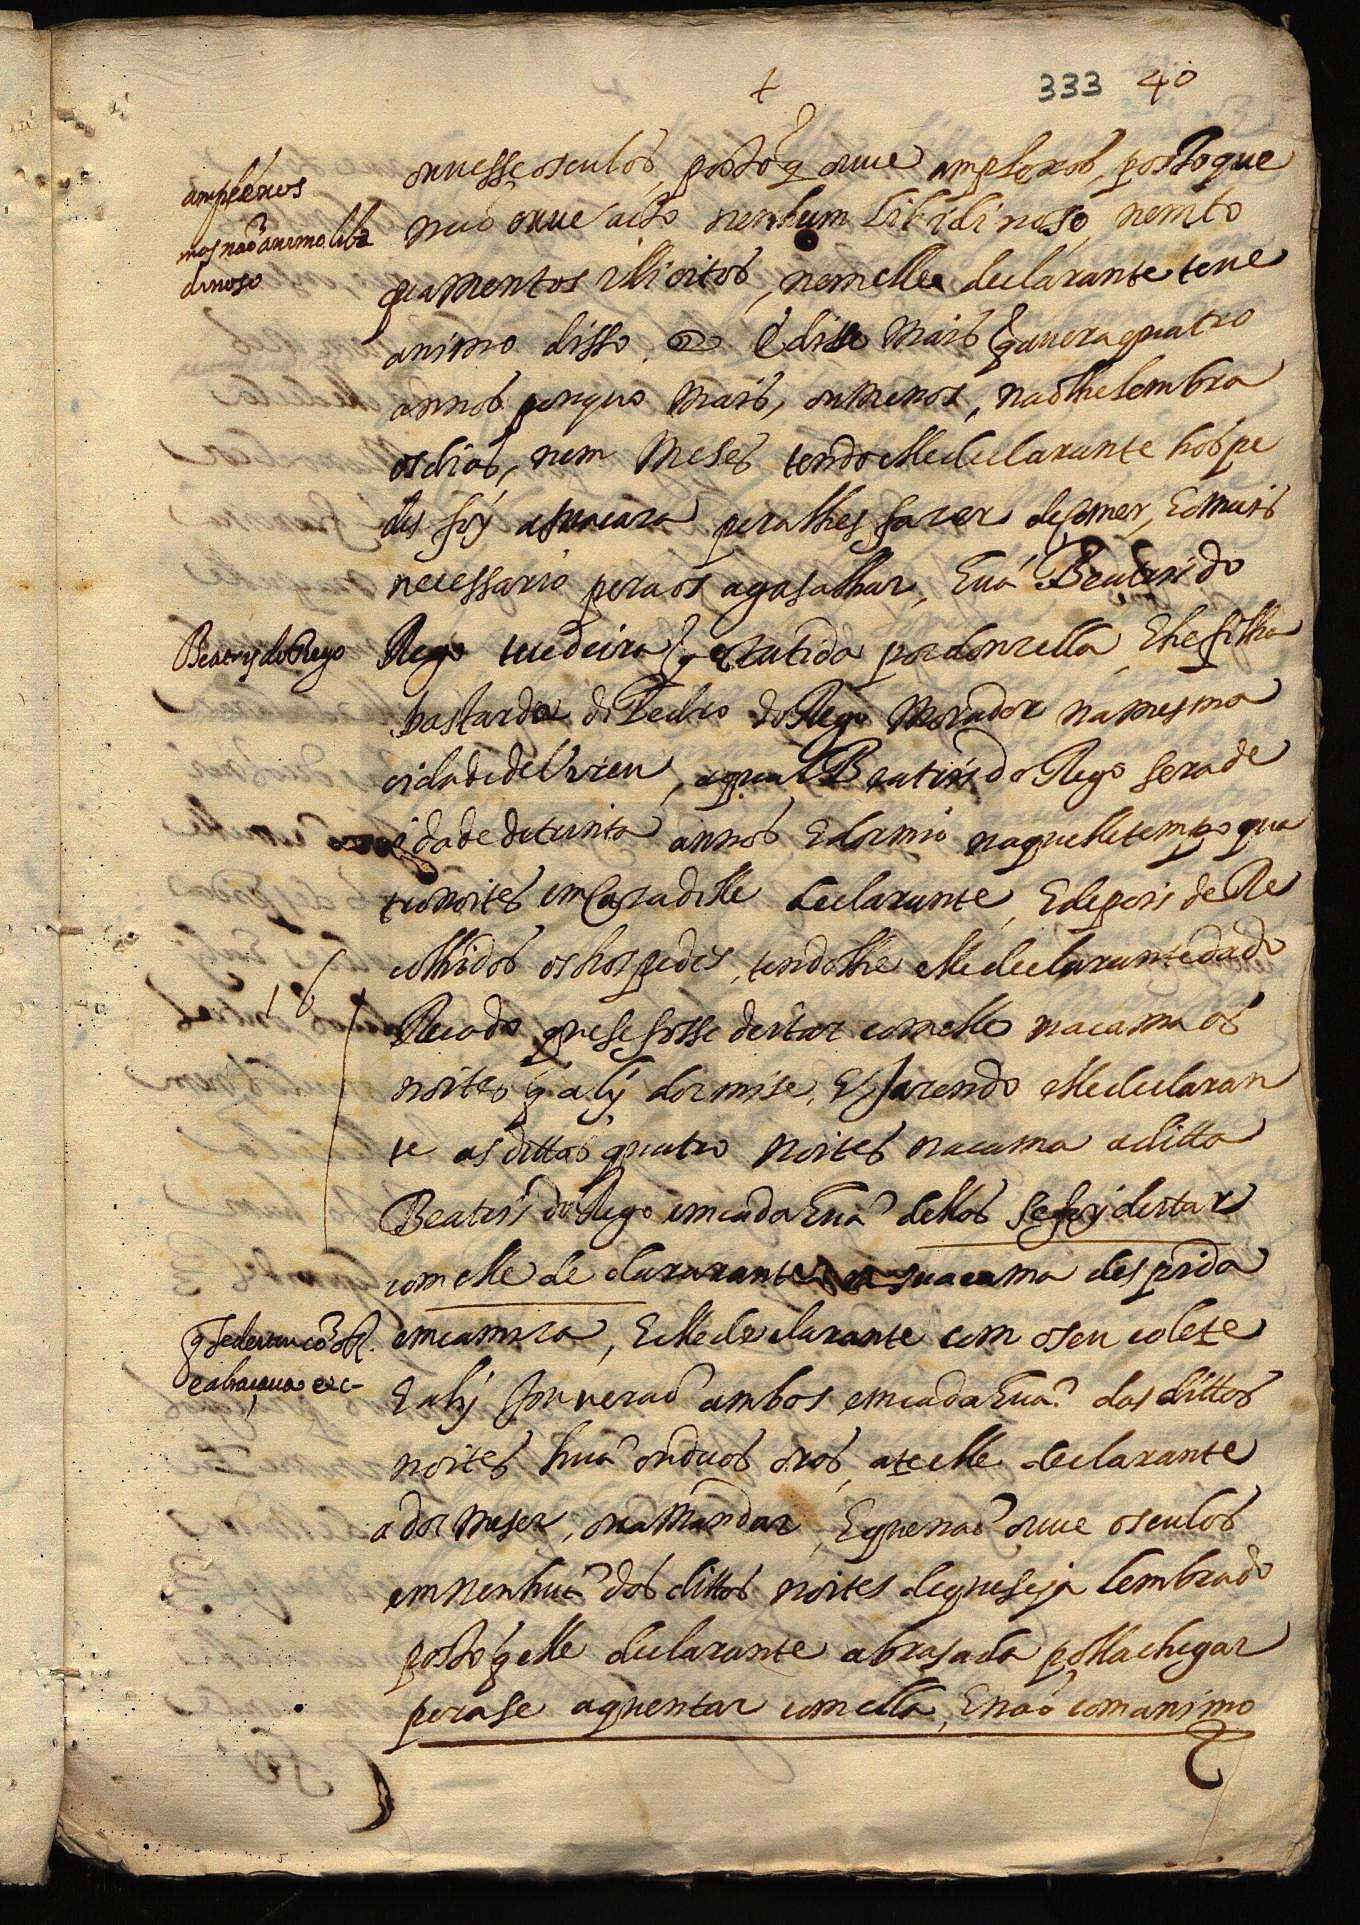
40
ouvesse osculos, posto q̄ ouue amplexos, posto que
naõ ouue acto nenhum libidinoso, nem to
quamentos illicitos, nem elle declarante teve
animo disso. E disse mais q̄ auera quatro
annos pouquo mais, ou menos, não lhe lembra
os dias, nem meses tendo elle declarante hospe
des foy a sua caza pera lhes fazer de comer, e o mais
necessario pera os agasalhar, huā Beatris do
Rego tecedeira q̄ esta tida por donzella, e he filha
bastarda de Pedro Rego, morador na mesma
cidade de Vizeu, a qual Beatriz do Rego sera de
idade de trinta annos e dormio naquelle tempo qua
tro noites em Caza delle declarante, e depois de Re
colhidos os hospedes, tendolhe elle declarante dado
Recado que se fosse deitar com elle na cama as
noites que aly dormise, e jazendo elle declaran
te as dittas quatro noites na cama a ditta
Beatris do Rego em cada huā dellas se foy deitar
com elle declarante em sua cama despida
em camiza, e elle declarante com o seu colete
e aly jouveraõ ambos em cada huā das dittas
noites huā ou duas oras até elle declarante
adormeser, ou a mandar, e que naõ ouve osculos
em nenhuā das dittas noites de que seja lembrado
posto q̄ elle declarante abrasada polla chegar
pera se aquentar com ella, E naõ com animo
